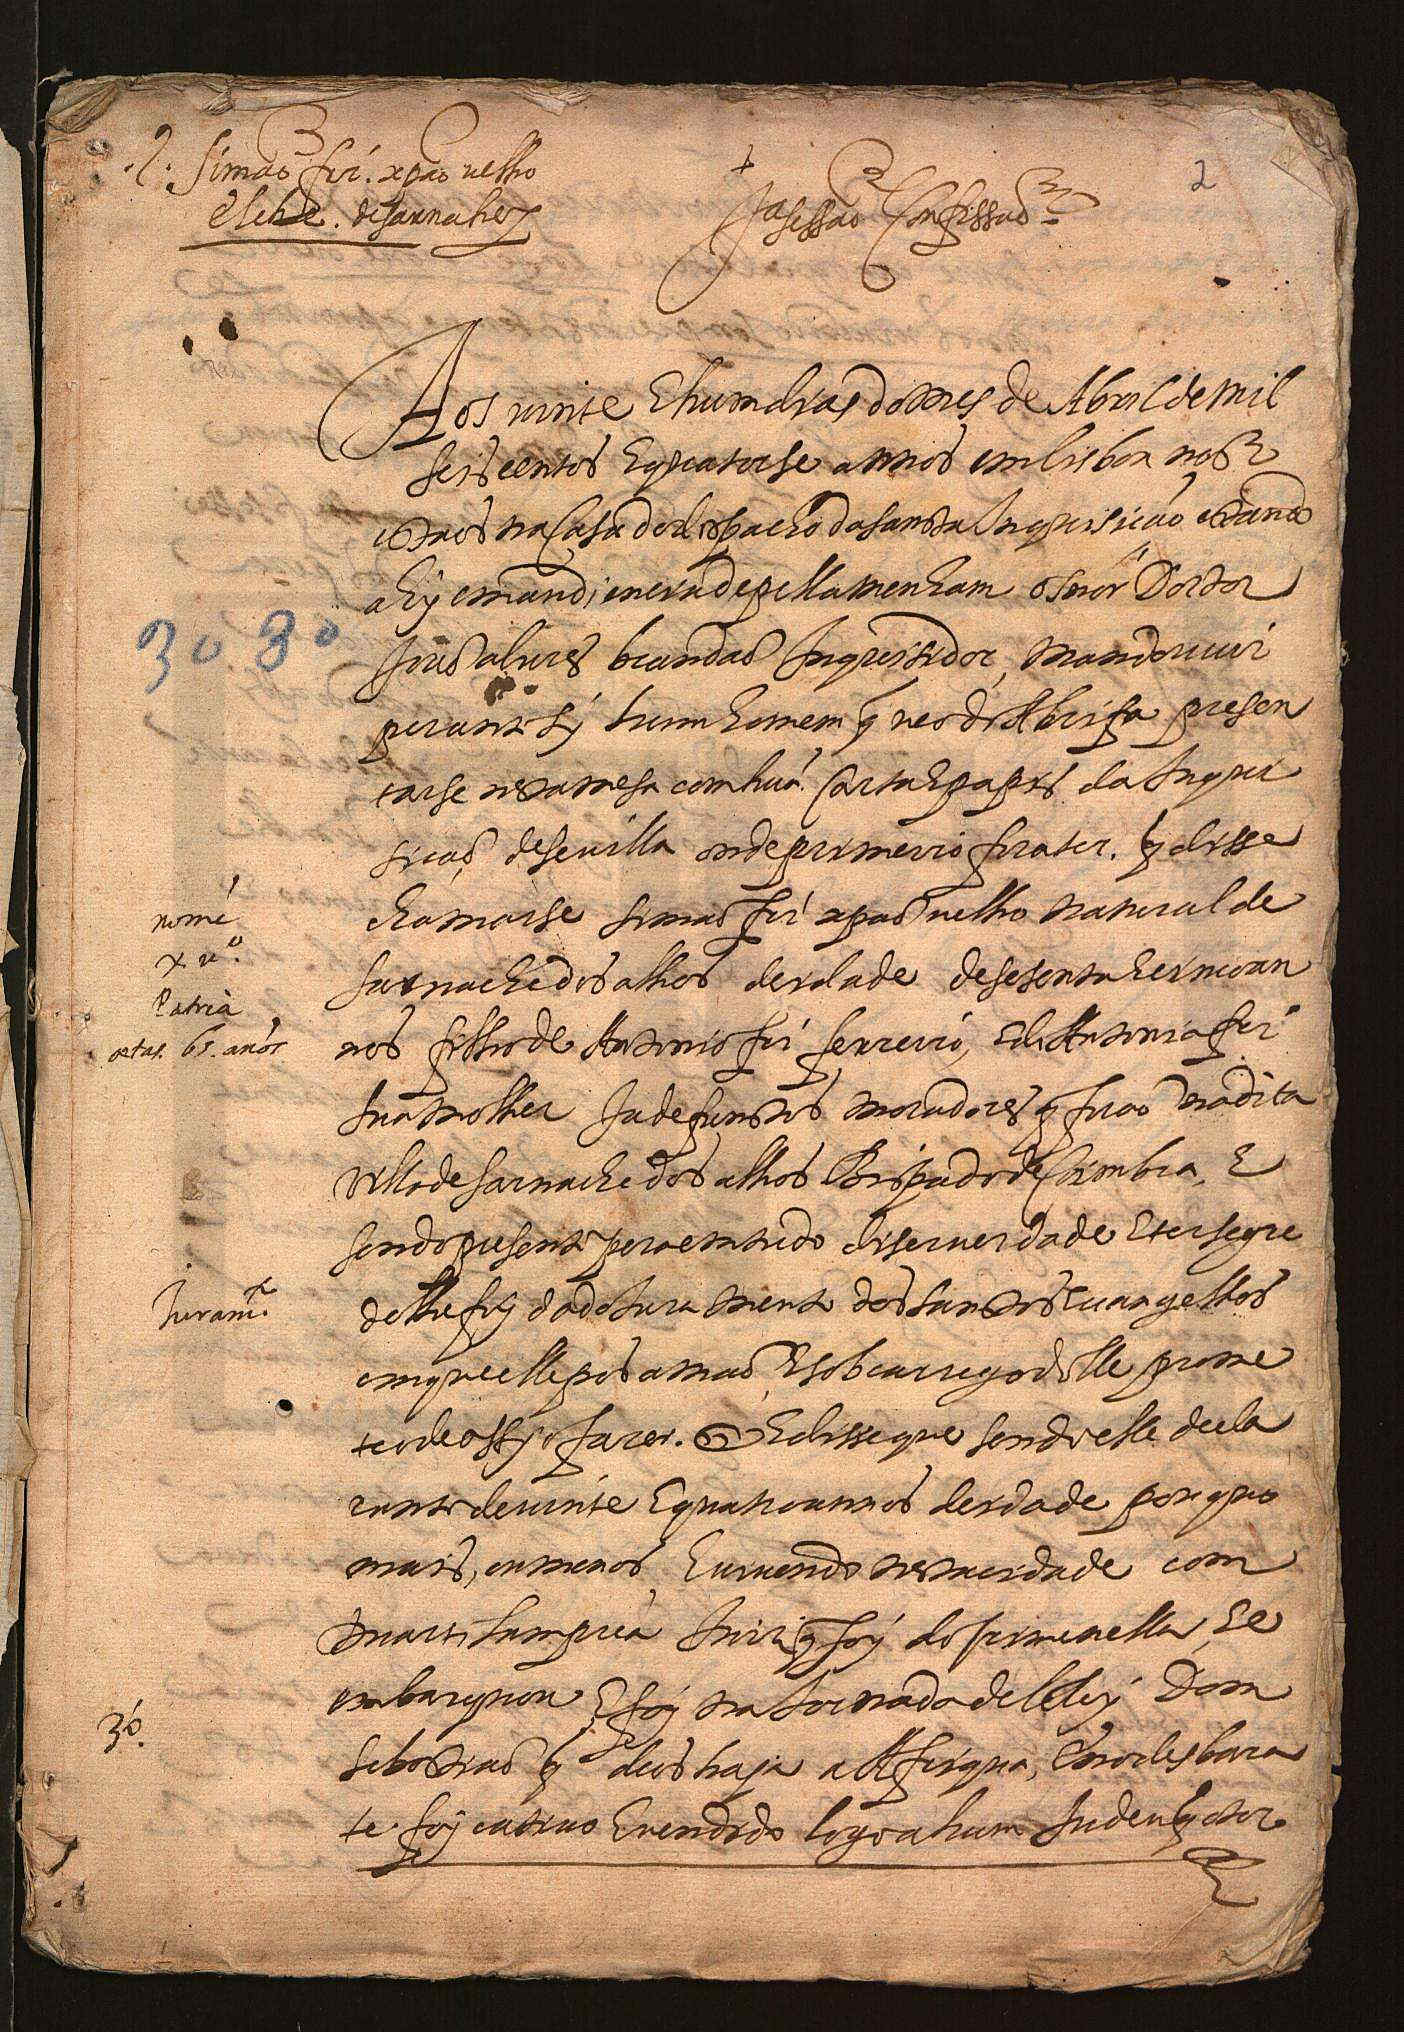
Simão frz̄. xpão uelho
elche de sarnahe
Ja sessaõ Confissaõ
Aos uinte E hum dias do mes de Abril de mil
seiscentos e quatorse annos em lisboa nos
estaos na Casa do despacho da sancta Inquisiçaõ estando
ahy em audiencia de pella menham o snor̄ Doctor
Joaõ alures brandaõ Inquisidor, mandou uir
perante sy hum homem q̄ ueo de Abrifa presen
tarse nesta mesa com huā Carta E papis da Inqui
siçaõ de seuilla onde primeiro fora ter. q̄ disse
chamarse simaõ frz̄ xpaõ uelho natural de
nome
x uo.
Sarnache dos alhos de idade de sesenta E cinco an
Patria
nos filho de Antonio frz̄ ferreiro, E de Antonia frz̄
ætas. 65. anōs
sua molher Ja defunctos moradores q̄ foraõ na dita
villa de Sarnache dos alhos Bispado de Coimbra, E
sendo presente pera em tudo diser uerdade E ter segre
de lhe foy dado Iuramento dos sanctos Euangelhos
Iuram.to
em que elle pos a maõ, E sob carrego delle prome
teo de assy o fazer. ⁋ E disse que sendo elle decla
rante de uinte E quatro annos de idade pouquo
mais, ou menos, E uiuendo nesta cidade com
Duarte Lamprea Iuiz q̄ foy do Crime nella, se
embarquou E foy na Iornada del Rey Dom
3o.
sebastiaõ q̄ deos haja a Afriqua, e no desbara
te foy catiuo E uendido logo a hum Judeu q̄ o tor
